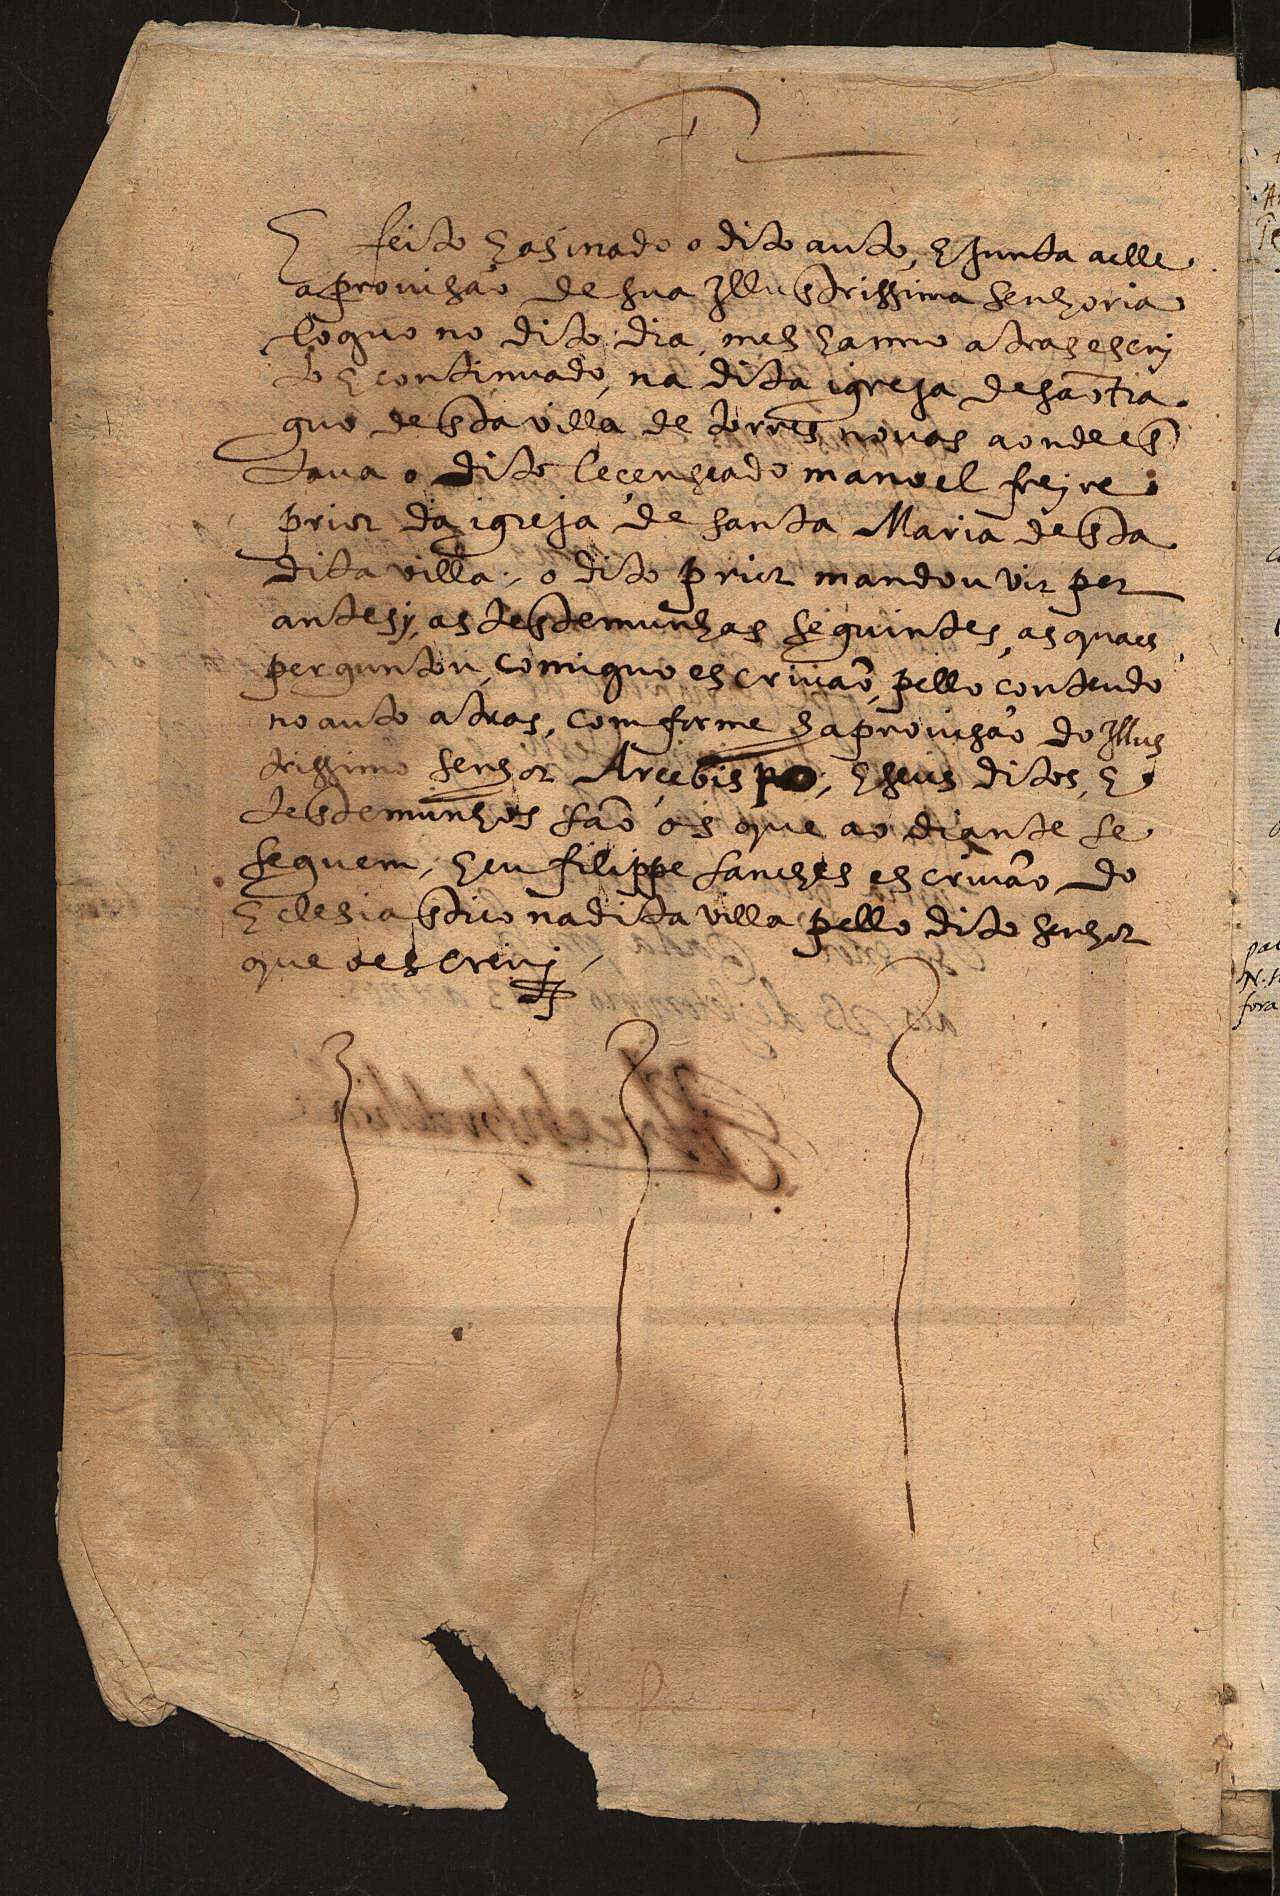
E feito E asinado o dito auto, E Junta a elle
a prouisaõ de sua Jllustrissima Senhoria
loguo no dito dia, mes E anno atras escrj
to E continuado, na dita igreja de são tia
guo desta villa de torres nouas aonde es
taua o dito lecenseado manoel frejre
prior da igreja de santa Maria desta
dita villa, o dito prior mandou vir per
ante sy, as testemunhas seguintes, as quaes
perguntou, comiguo escriuaõ, pello conteudo
no auto atras, comforme ha prouisaõ do Jllus
trissimo senhor Arcebispo, E seus ditos, E
testemunhos são os que ao diante se
seguem, E eu filippe sanches escriuão do
Eclesiastico na dita villa pello dito senhor
que o escreuj
